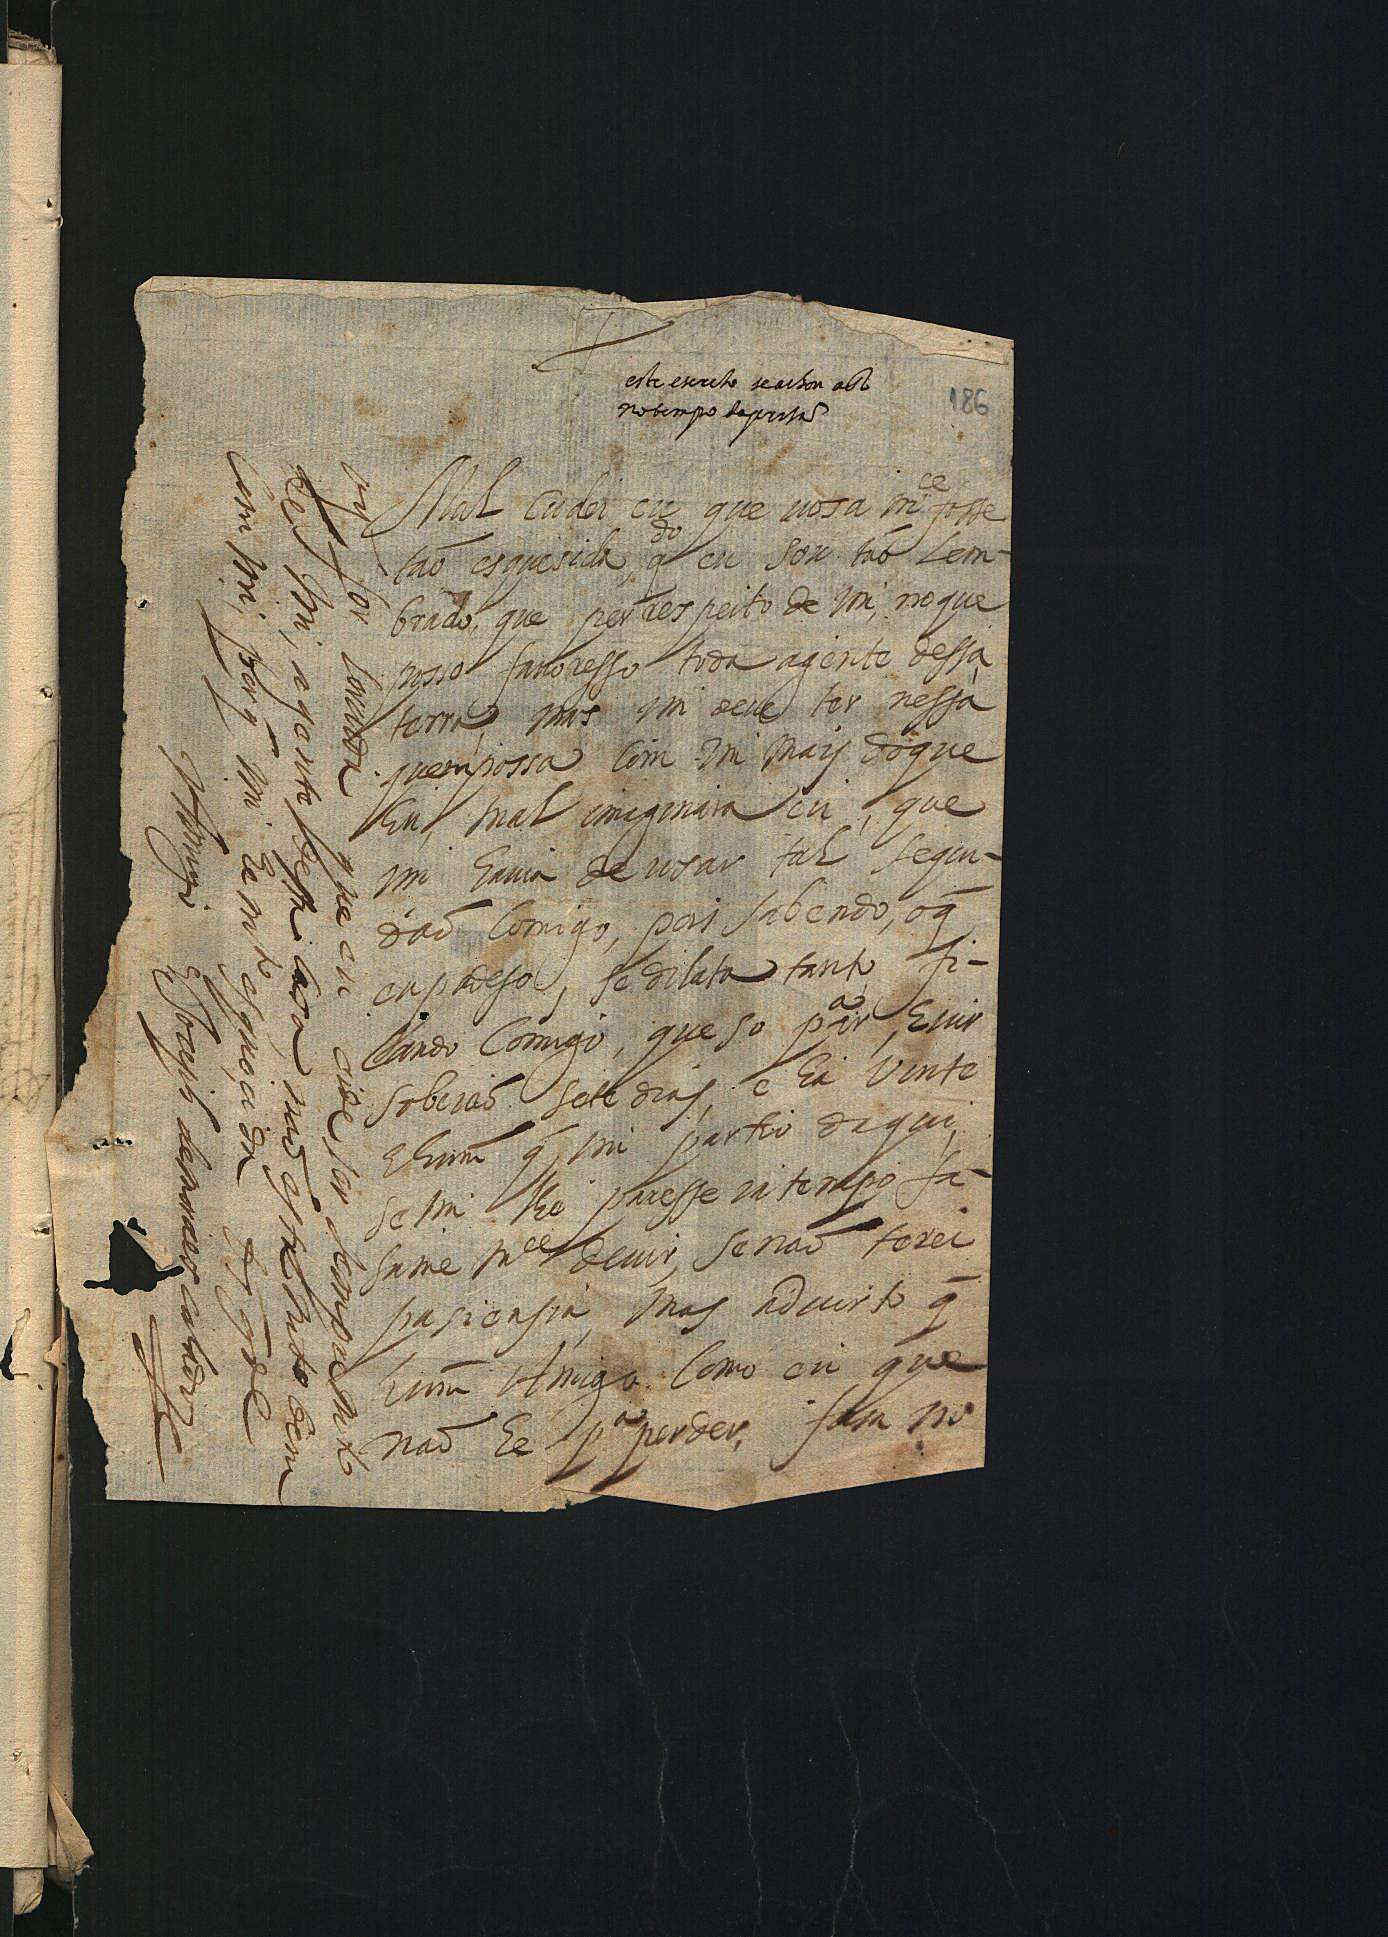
este escrito se achou a R
no tempo da prisā
MaL cudei eu que uosa mce fosse
taõ esquesida, e seu sou taõ Lem
brado, que per respeito de vm, no que
posso fauoresso toda a gente dessa
terra, mas vm deue ter nessa
quem possa com vm mais do que
Eu, maL imaginara eu, que
vm hauia de usar tal sequi
daõ Comigo, pois sabendo, o q̄
eu padeso, se dilata tanto, fi
Cando Comigo, que so pa ir, E uir
sobeiaõ sete dias, e ha vinte
E hum q̄ vm partio daqui
se vm lhe paresse ia tempo fa
same mce de uir, se naõ terei
pasiensia, mas aduirto q̄
hum Amigo Como eu que
naõ he pa perder, fasa me
o q̄ for seruida que eu eide ser sempre mto
de vm, a gente desta casa, naõ esta mto bem
Com vm, porq̄ vm he mto esquecida Ds̄ gde
Amigo
Joseph de Moraes calado
